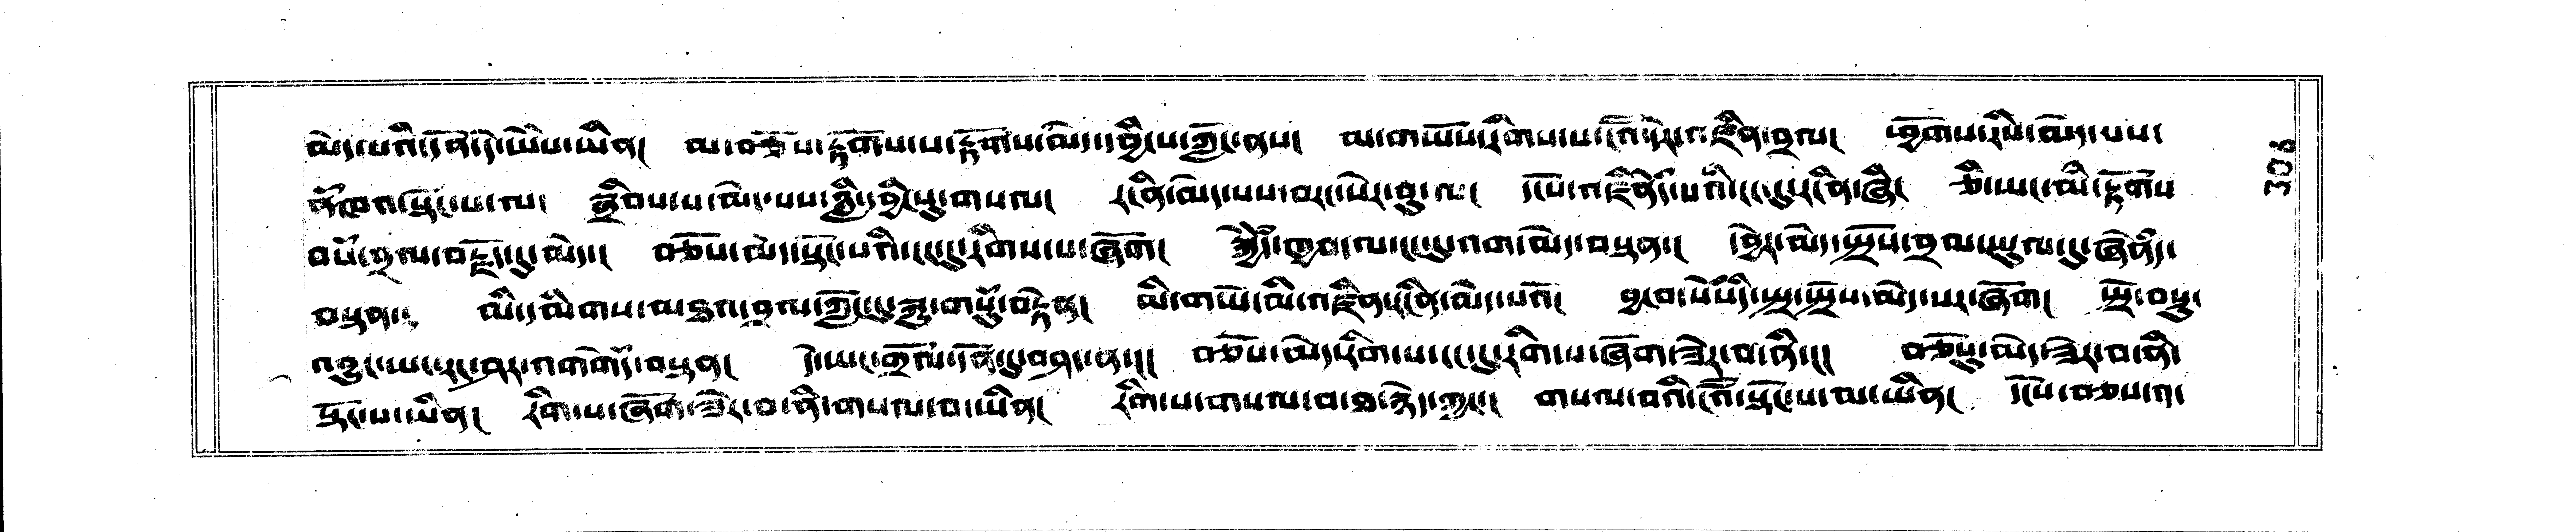པའི་དོན་དེ་ཡེ་ཤེས་ཡིན། མ་བཅོས་སྟོང་ལ་རྟོག་མེད་དབྱིངས་ཀློང་ན་མ་གཡོས་རིག་པའི་ངོའོ་དེར་འཛིན་བྲལ། ཕྱོགས་རིས་མེད་པའི་
ནམ་མཁའ་སྟོང་པ་ལ། སྒྲིབ་གཡོགས་མེད་པའི་ཉི་ཟླ་དབྱིངས་སུ་གསལ། རང་བཞིན་མེད་པའི་བར་སྣང་སེར་བུ་ལ། དངོས་འཛིན་མེད་པའི་ངང་དུ་རང་བཞིན་ཞི། ཅིར་ཡང་མི་རྟོག་
བསམ་བྲལ་བཅོས་སུ་མེད། བཅོས་མེད་སྟོང་པའི་ངང་དུ་རིག་པ་ཞོག སྐྱེ་མེད་ཁྱབ་བདལ་ངང་དུ་འགག་མེད་བསྟན། བྱར་མེད་སྤྲོས་བྲལ་ཡུལ་དུ་ཞེན་མེད་
བསྟན། དམིགས་མེད་མཐའ་བྲལ་ཀློང་དུ་སྐུ་གསུམ་བསྟན། མི་གཡོ་མི་འཛིན་རང་བཞིན་མེད་པའི་བྱང་ཆུབ་སེམས་ཉིད་སྤྲ་སྤྲོ་མེད་པར་ཞོག སྤྲོ་བསྡུ་
བྱུང་ཡང་རང་ཤར་འགག་མེད་སྟེ། དེ་ཡང་བཀྲོལ་དོན་དུ་བཤད་ནས། བཅོས་མེད་སྟོང་པའི་ངང་དུ་རིག་པ་ཞོག་ཟེར་བ་ནི། བཅོས་སུ་མེད་ཟེར་བ་ནི་
ང་པ་ཡིན། རིག་པ་ཞོག་ཟེར་བ་ནི། གསལ་བ་ཡིན། རིག་པ་གསལ་བའི་ཐ་སྙད་ཀྱང་། གསལ་བའི་ངོའོ་དེ་སྟོང་པ་མ་ཡིན་ནས། དངོས་བཅས་ཅན་གཅིག་